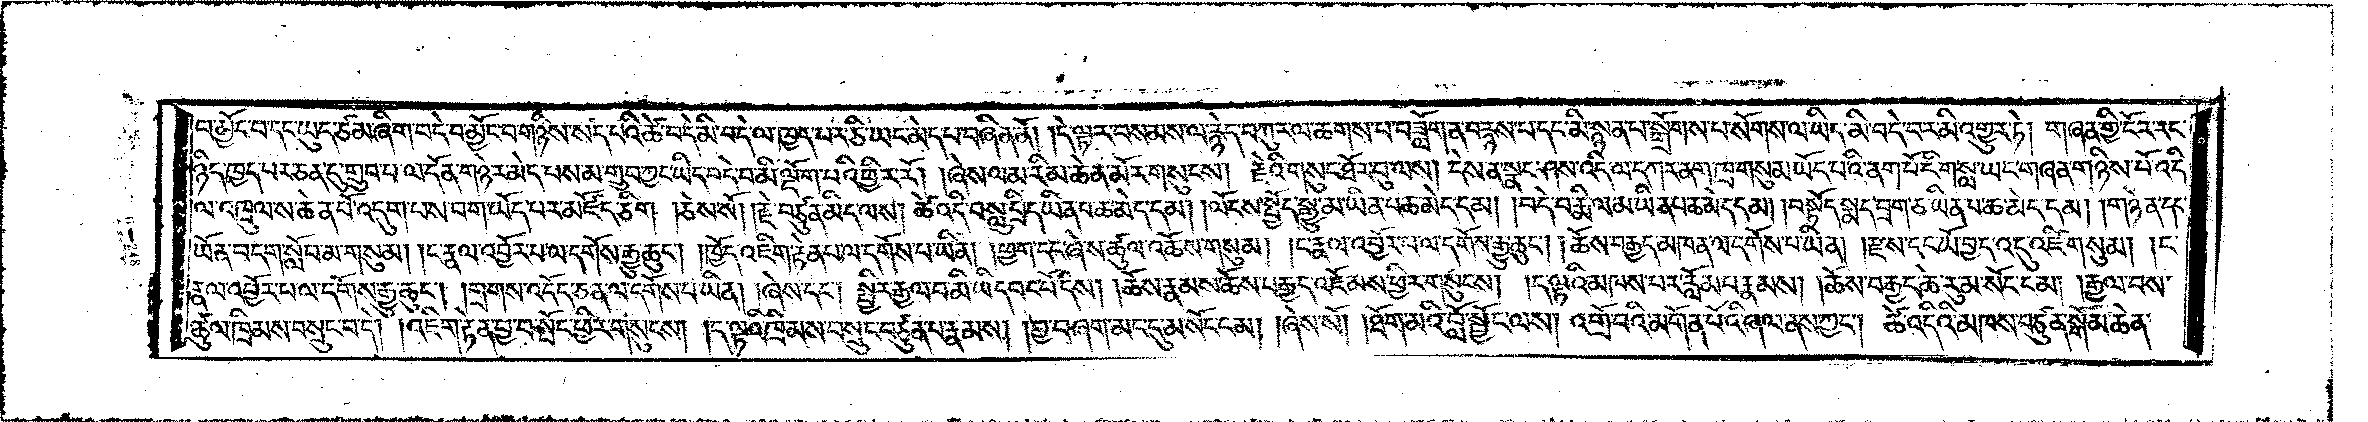བ་མྱོང་བ་དང་ཡུད་ཙམ་ཞིག་བདེ་བ་མྱོང་བ་གཉིས་སད་པའི་ཚེ་བདེ་མི་བདེ་ལ་ཁྱད་པར་ཅི་ཡང་མེད་པ་བཞིན་ནོ། །དེ་ལྟར་བསམས་ལ་རྙེད་བཀུར་ལ་ཆགས་པ་བཟློག་ན་བརྙས་པ་དང་མི་སྙན་པ་སྒྲོགས་པ་སོགས་ལ་ཡིད་མི་བདེ་བར་མི་འགྱུར་ཏེ། གཞན་གྱི་ངོར་རང་
ཉིད་ཁྱད་པར་ཅན་དུ་གྲུབ་པ་ལ་དོན་གཉེར་མེད་བསམ་གྲུབ་ཀྱང་ཡིད་བདེ་བ་མི་ལྡོག་པའི་ཕྱིར་རོ། །ཞེས་ལམ་རིམ་ཆེན་མོར་གསུངས། རྗེའི་གསུང་ཐོར་བུ་ལས། དེས་ན་སྣང་ཤས་འདི་ལ་དཀར་ནག་ཁྲ་གསུམ་ཡོད་པའི་ནག་པོར་གི་སླ་ཡང་གཞན་གཉིས་པོ་འདི་ལ་འཁྲུལ་ས་ཆེན་པོ་འདུག་པས་བག་ཡོད་པར་མཛོད་ཅིག །ཅེས་སོ། །རྗེ་བཙུན་མིད་ལས། ཚེ་འདི་བསླུ་བྲིད་ཡིན་པ་ཆ་མེད་དམ། །ལོངས་སྤྱོད་སྒྱུ་མ་ཡིན་པ་ཆ་མེད་དམ། །བདེ་བ་རྨི་ལམ་ཡིན་པ་ཆ་མེད་དམ། །བསྟོད་སྨད་བྲག་ཅ་ཡིན་པ་ཆ་མེད་དམ། །གཉེན་དང་
ཡོན་བདག་སློབ་མ་གསུམ། །ང་རྣལ་འབྱོར་པ་ལ་དགོས་རྒྱུ་ཆུང་། །ཁྱོད་འཇིག་རྟེན་པ་ལ་དགོས་པ་ཡིན། །ཕྱག་དང་ཞེས་ཚུལ་འཆོས་གསུམ། །ང་རྣལ་འབྱོར་པ་ལ་དགོས་རྒྱུ་ཆུང་། །ཆོས་བརྒྱད་མཁན་ལ་དགོས་པ་ཡིན། །རྫས་དང་ཡོ་བྱད་འདུ་འཛི་གསུམ། །ང་
རྣལ་འབྱོར་པ་ལ་དགོས་རྒྱུ་ཆུང་། །གྲགས་འདོད་ཅན་ལ་དགོས་པ་ཡིན། །ཞེས་དང་། སྤྱིར་རྒྱལ་བ་མི་ཡི་དབང་པོ་དིས། །ཆོས་རྣམས་ཆོས་བརྒྱད་འཇོམས་ཕྱིར་གསུངས། །ད་ལྟའི་མཁས་པར་རློམ་པ་རྣམས། །ཆོས་རྒྱད་ཆེ་རུ་མ་སོང་ངམ། །རྒྱལ་བས་
ཚུལ་ཁྲིམས་བསྲུང་བ་དེ། །འཇིག་རྟེན་བྱ་བ་སྤོང་ཕྱིར་གསུངས། །ད་ལྟའི་ཁྲིམས་བསྲུང་བཙུན་པ་རྣམས། །བྱ་བཞག་མང་དུ་མ་སོང་ངམ། །ཞེས་སོ། །ཐོག་མའི་བློ་སྦྱོང་ལས། འགྲོ་བའི་མགོན་པོའི་ཞལ་ནས་ཀྱང་། ཚེ་འདིའི་མཁས་བཙུན་སྒོམ་ཆེན་